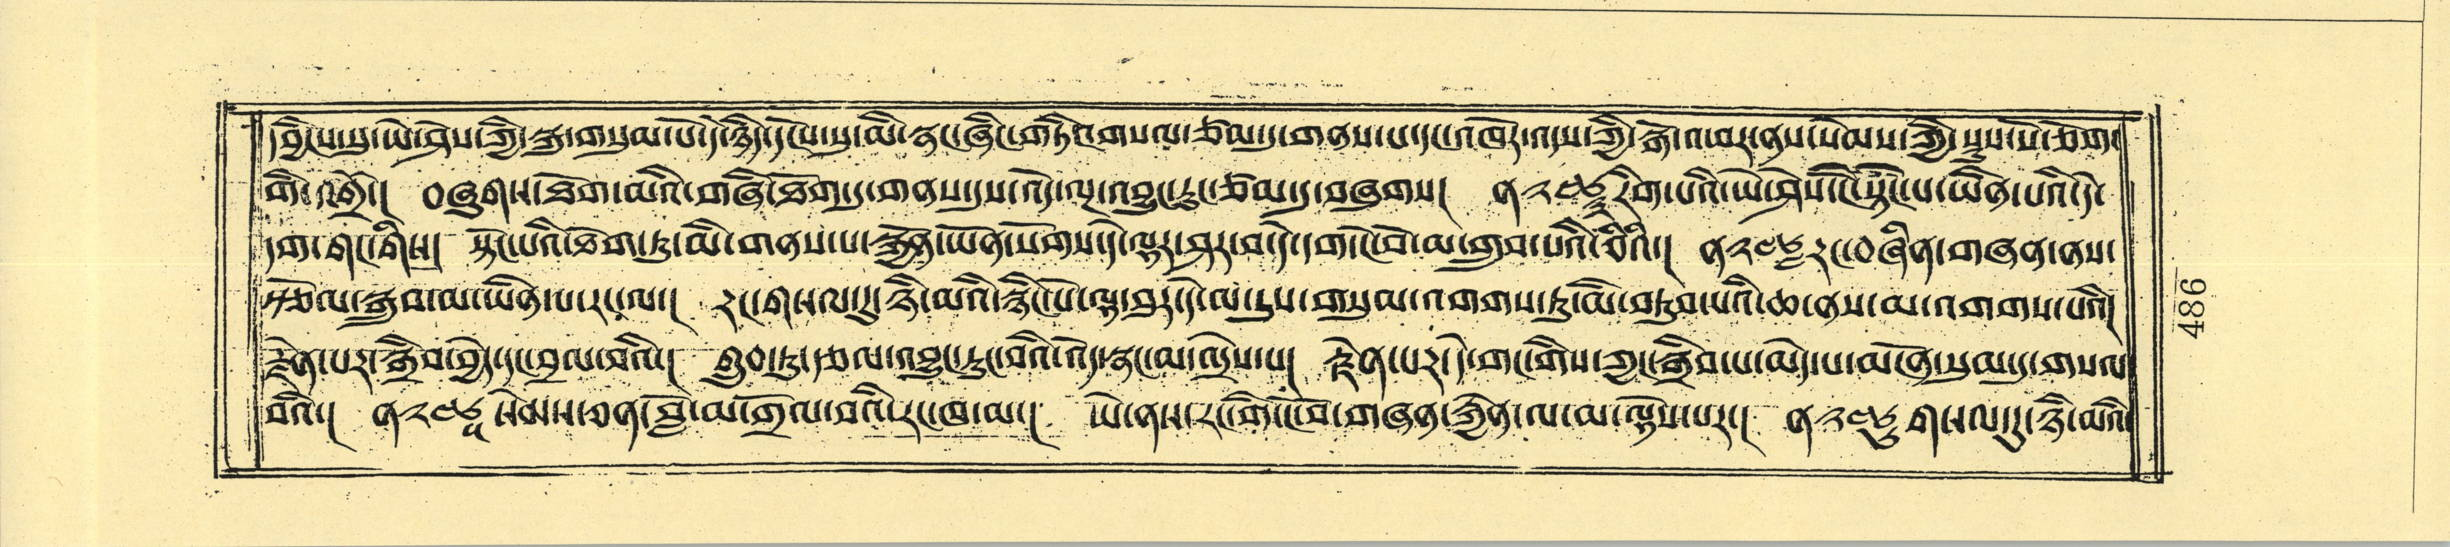དབྱིངས་སུ་ཡེ་ཤེས་ཀྱི་སྐུ་གསུམ་པོ་དེ་ཉིད་དངོས་སུ་མི་སྣང་ཞིང་གཏིང་གསལ་ཙམ་དུ་གནས་པ་དང་འཁོར་འདས་ཀྱི་སྒོ་འཕར་ནས་སེམས་ཀྱི་བསྡུས་སོ་ཅོག་
གི་༼འགྲོ༽༼བཞུགས༽ཐོག་མའི་གཞི་ཐོག་ཏུ་གནས་དུས་འོད་ལྔ་འབྱུང་རུང་ཙམ་དུ་བཞུགས་ན༢༤༦།༣ རིག་པའི་ཡེ་ཤེས་ངོ་བོ་སྟོང་པ་ཡིན་པའི་དེ་
དག་གི་༼གང་གིས༽སྟོང་པའི་ཐོག་ཏུ་མི་གནས་པ་སྐྱོན་ཡོན་སོགས་དེ་ལྟར་ཤར་བ་དེ་དག་ངོ་བོ་མ་གྲུབ་པའི་༼ཅེའི༽ན༢༤༦།༤༼རང་བཞིན༽གཞན་ནས་
རྩོལ་སྒྲུབ་མ་ཡིན་པ་རང་ལ་༼རང་གསལ་དུ༽ཉི་མའི་སྙིང་པོ་ལྟ་བུར་དེ་ལ་དུས་གསུམ་འགག་ཏུ་མི་བཏུབ་པའི་ཆ་ནས་མ་འགག་པའི་
རྗེན་པར་སྒྲིབ་བྱེད་དང་བྲལ་བའི་༼གྲུབ་ཏུ༽རྩལ་འབྱུང་རུང་བའི་འོད་སྣང་མ་འདྲེས་པ་༼རྗེན་པར༽དེ་གང་གིས་ཀྱང་སྒྲིབ་པ་མེད་པ་མངོན་སུམ་དུ་གསལ་
བའི་ན༢༤༦།༥༼སེམས་ཅན༽བློ་མ་གྲོལ་བའི་རང་ཁ་ལ།༼ཡེ་ནས༽རང་གི་ངོ་བོ་གཞན་རྐྱེན་ལ་མ་ལྟོས་པར་ན༢༤༦།༦༼གསལ་དུ༽ཉི་མའི་